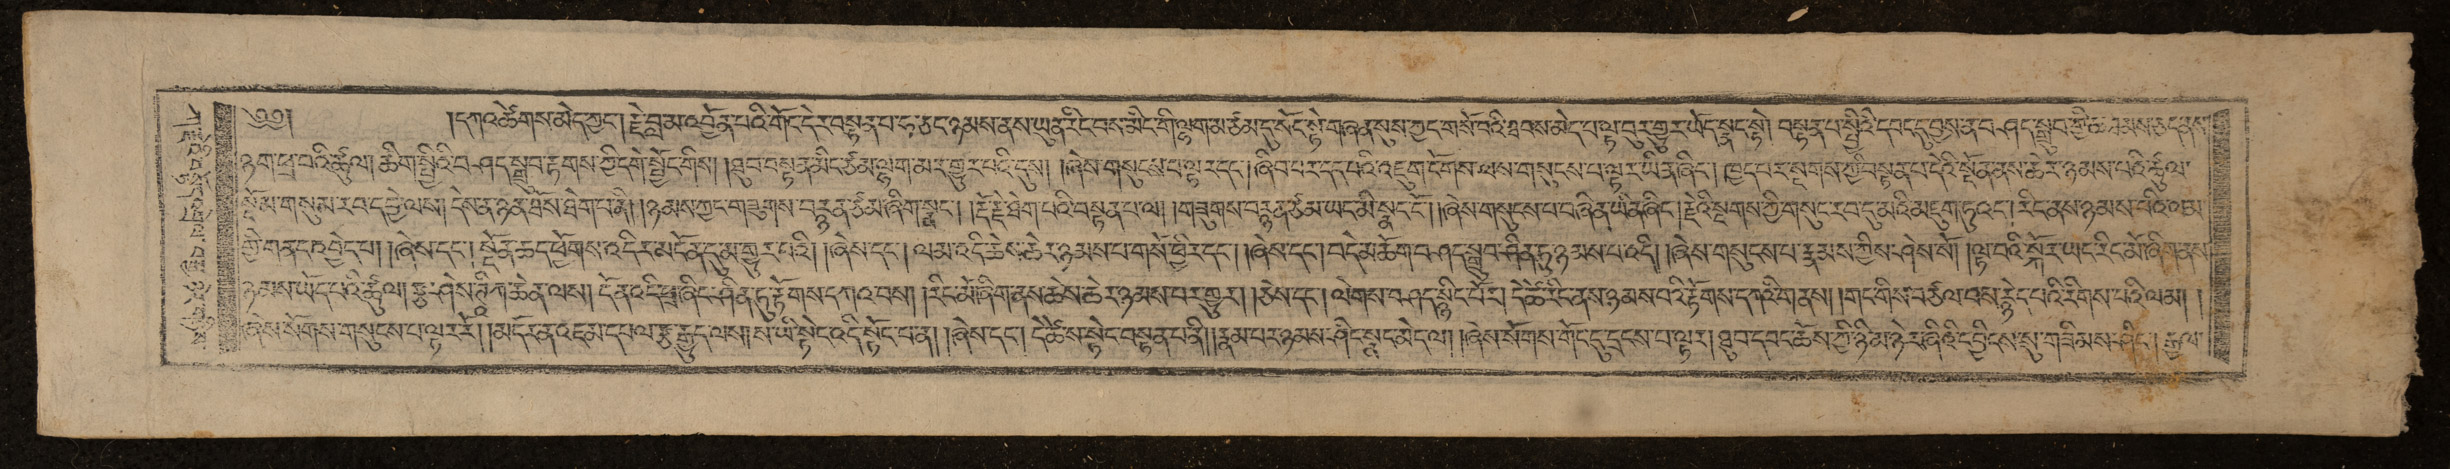༄༅། །དཀའ་ཚེགས་མེད་ཀྱང་། རྗེ་བླ་མ་འབྱོན་པའི་གོང་དེར་བསྟན་པ་ཧ་ཅང་ཉམས་ནས་ཡུན་རིང་བས་མིང་གི་ལྷག་མ་ཙམ་དུ་སོང་སྟེ་གཞན་སུས་ཀྱང་གསོ་བའི་ཐབས་མེད་པ་ལྟ་བུར་གྱུར་ཡོད་སྣང་སྟེ། བསྟན་པ་སྤྱིའི་དབང་དུ་བྱས་ན་བཤད་སྒྲུབ་གྱི་ཆ་ཐམས་ཅད་ནས་
ཉག་ཕྲ་བའི་ཚུལ། ཚིག་སྤྱིའི་བཤད་སྒྲུབ་རྟགས་ཀྱི་དགེ་སྦྱོང་གིས། །ཐུབ་བསྟན་མིང་ཙམ་ལྷག་མར་གྱུར་པའི་དུས། །ཞེས་གསུངས་པ་ལྟར་དང་། ཞིབ་བར་དད་པའི་འཇུག་ངོགས་ལས་གསུངས་པ་ལྟར་ཡིན་ཞིང་། ཁྱད་པར་སྔགས་ཀྱི་བསྟན་པ་དེའི་སྔོན་ནས་ཆེར་ཉམས་པའི་ཚུལ་
སྡོམ་གསུམ་རབ་དབྱེ་ལས། དེས་ན་ཉན་ཐོས་ཐེག་པ་ནི། །ཉམས་ཀྱང་གཟུགས་བརྙན་ཙམ་ཞིག་སྣང་། །རྡོ་རྗེ་ཐེག་པའི་བསྟན་པ་ལ། །གཟུགས་བརྙན་ཙམ་ཡང་མི་སྣང་ངོ། །ཞེས་གསུངས་པ་བཞིན་ཡིན་ཞིང་། རྗེའི་སྔགས་ཀྱི་གསུང་རབ་དུ་མའི་མཇུག་ཏུའང་། རིང་ནས་ཉམས་པའི་ལམ་
གྱི་གནད་འབྱེད་པ། །ཞེས་དང་། སྔོན་ཆད་ཕྱོགས་འདིར་མངོན་དུ་མ་གྱུར་པའི། །ཞེས་དང་། ལམ་འདི་ཆེས་ཆེར་ཉམས་པ་གསོ་ཕྱིར་དང་། །ཞེས་དང་། བདེ་མཆོག་བཤད་སྒྲུབ་ཤིན་ཏུ་ཉམས་པ་འདི། །ཞེས་གསུངས་པ་རྣམས་ཀྱིས་ཤེས་སོ། །ལྟ་བའི་སྐོར་ཡང་རིང་མོ་ཞིག་ནས་
ཉམས་ཡོད་པའི་ཚུལ། རྩ་ཤེས་ཊཱིཀ་ཆེན་ལས། དོན་འདི་ཕྲ་ཞིང་ཤིན་ཏུ་རྟོགས་དཀའ་པས། །རིང་མོ་ཞིག་ནས་ཆེས་ཆེར་ཉམས་པར་གྱུར། །ཅེས་དང་། ལེགས་བཤད་སྙིང་པོར། དེ་ཚེ་རིང་ནས་ཉམས་པའི་རྟོགས་དཀའི་གནས། །གང་གིས་བཙལ་བས་རྙེད་པའི་རིགས་པའི་ལམ། །
ཞེས་སོགས་གསུངས་པ་ལྟར་རོ། །མདོར་ན་འཇམ་དཔལ་རྩ་རྒྱུད་ལས། ས་ཡི་སྟེང་འདི་སྟོང་བ་ན། །ཞེས་དང་། དེ་ཚེས་སྟེང་བསྟན་པ་ནི། །རྣམ་པར་ཉམས་ཤིང་སྣང་མེད་ལ། །ཞེས་སོགས་གོང་དུ་དྲངས་པ་ལྟར། ཐུབ་དབང་ཆོས་ཀྱི་ཉི་མཉེར་ཞིའི་དབྱིངས་སུ་གཟིམས་ཤིང་། རྒྱལ་